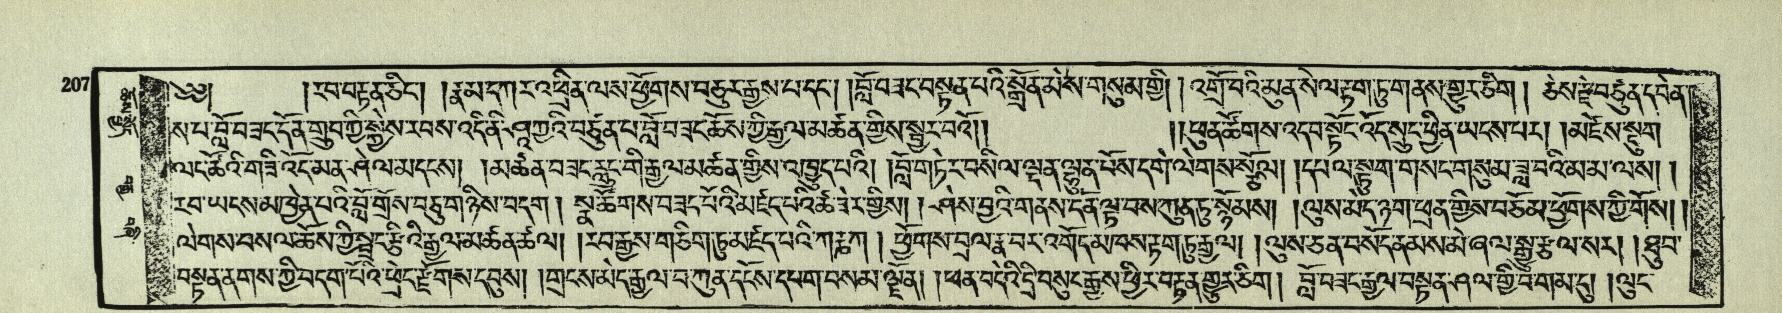༄༅། །རབ་བརྟན་ཅིང་། །རྣམ་དཀར་འཕྲིན་ལས་ཕྱོགས་བཅུར་རྒྱས་པ་དང་། །བློ་བཟང་བསྟན་པའི་སྒྲོན་མེས་གསུམ་གྱི། །འགྲོ་བའི་མུན་སེལ་རྟག་ཏུ་གནས་གྱུར་ཅིག། ཅེས་རྗེ་བཙུན་དབེན་
ས་པ་བློ་བཟང་དོན་གྲུབ་ཀྱི་སྐྱེས་རབས་འདི་ནི་ཤཱཀྱའི་བཙུན་པ་བློ་བཟང་ཆོས་ཀྱི་རྒྱལ་མཚན་གྱིས་སྦྱར་བའོ།། །།ཕུན་ཚོགས་འདབ་སྟོང་འོད་སྲུང་ཕྱིན་ཡངས་པར། །མཛེས་སྡུག་
ལང་ཚོའི་གཟི་འོད་མན་ཤེལ་མདངས། །མཚན་བཟང་རླུང་གི་རྒྱལ་མཚན་གྱིས་འཁྱུད་པའི། །བློ་གཏེར་བསིལ་ལྡན་ལྷུན་པོས་དགེ་ལེགས་སྩོལ། །དཔལ་སྟུག་གསང་གསུམ་ཟླ་བའི་མ་མ་ལས། །
རབ་ཡངས་མཁྱེན་པའི་བློ་གྲོས་བཅུ་གཉིས་བདག །སྣ་ཚོགས་བཟང་པོའི་མཛད་པའི་ཚ་ཟེར་གྱིས། །ཤེས་བྱའི་གནས་དོན་ལྟ་བས་ཀུན་ཏུ་སྙོམས། །ལུས་མེད་ཉག་ཕྲན་གྱིས་བཅོམ་ཕྱོགས་ཀྱི་གོས།།
ལེགས་བསལ་ཆོས་ཀྱི་སྦྲང་རྩིའི་རྒྱལ་མཚན་ཚལ། །རབ་རྒྱས་གཅིག་ཏུ་མཛད་པའི་ཀརྞ་ཀ། ཕྱོགས་བྲལ་རྣ་བར་འགོད་མཁས་རྟག་ཏུ་རྒྱལ། །ལུས་ཅན་བསོད་ནམས་མེ་ཞལ་སྒྱུ་རྩལ་སར། །ཐུབ་
བསྟན་ནགས་ཀྱི་བདག་པོའི་ཕྲེང་རྫོགས་དབུས། །གྲངས་མེད་རྒྱལ་བ་ཀུན་དངོས་དཔག་བསམ་ལྗོན། །ཕན་བདེའི་དྲི་བསུང་རྒྱས་ཕྱིར་བརྟན་གྱུར་ཅིག། བློ་བཟང་རྒྱལ་བསྟན་ཤལ་གྱི་བ་གམ་དུ། །ལུང་